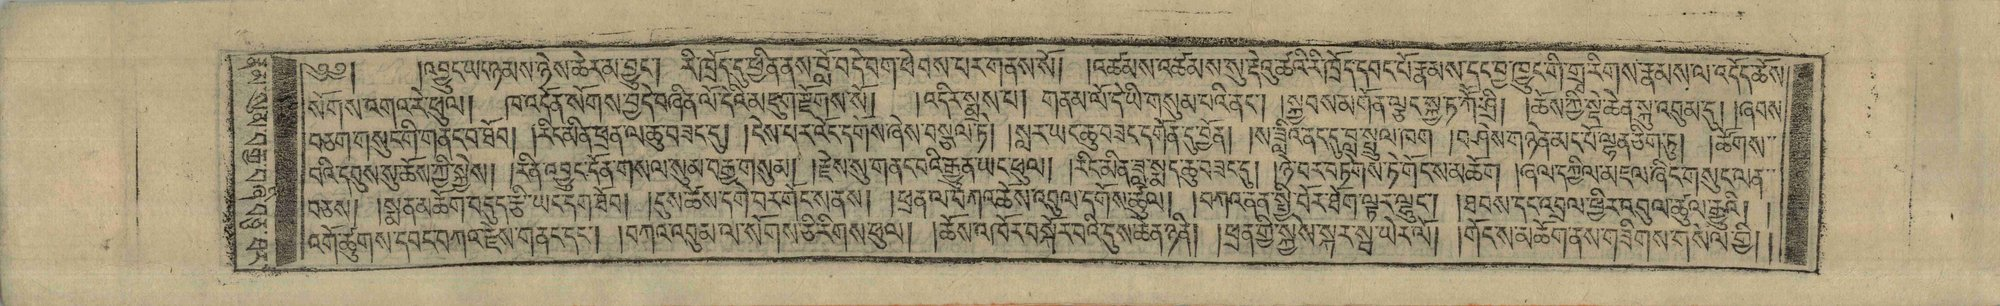༄༅། །འབྱུང་ཡང་ཉམས་ཉེས་ཆེར་མ་བྱུང་། རི་ཁྲོད་དུ་ཕྱིན་ནས་བློ་བདེ་བག་ཕེབས་པར་གནས་སོ། །འཚམས་འཚམས་སུ་རྡེའུ་ཚའི་རི་ཁྲོད་དབང་པོ་རྣམས་དང་བྱ་ཁྱུང་གི་གྲྭ་རིགས་རྣམས་ལ་འདོད་ཆོས་
སོགས་འགའ་རེ་ཕུལ། ཁ་འདོན་སོགས་བྱེད་བཞིན་ལོ་དེའི་མཇུག་རྫོགས་སོ། །འདིར་སྨྲས་པ། གནམ་ལོ་དེ་ཡི་གསུམ་པའི་ནང་། །སྐྱབས་མགོན་ལྕང་སྐྱ་ཏ་ཀཽ་ཤྲི། །ཆོས་ཀྱི་སྡེ་ཆེན་སྐུ་འབུམ་དུ། །ཞབས་
བཅག་གསུང་གི་གནང་བ་ཐོབ། །རིང་མིན་ཕྲན་ལ་ཆུ་བཟང་དུ། །ངེས་པར་འོང་དགོས་ཞེས་བསྩལ་ཏེ། །སླར་ཡང་ཆུ་བཟང་དགོན་དུ་བྱོན། །ས་ཟླའི་ནང་དུ་བླ་སྤྲུལ་ཁག །བཤེས་གཉེན་མང་པོ་ལྷན་ཅིག་ཏུ། །ཚོགས་
པའི་དབུས་སུ་ཆོས་ཀྱི་སྐྱེས། །རིན་འབྱུང་དོན་གསལ་སུམ་བརྒྱ་གསུམ། །རྗེས་སུ་གནང་བའི་རྒྱུན་ཡང་ཕུལ། །རིང་མིན་ཟླ་སྨད་ཆུ་བཟང་དུ། །ཉེ་བར་བཏེགས་ཏེ་གོང་ས་མཆོག །ཞལ་དཀྱིལ་མཇལ་ཞིང་གསུང་ལན་
བཅས། །སྨན་མཆོག་བདུད་རྩི་ཡང་དག་ཐོབ། །དུས་ཚེས་དགེ་བར་གོང་ས་ནས། །ཕྲན་ལ་བཀའ་ཆོས་འབུལ་དགོས་ཚུལ། །བཀའ་ནན་སྤྱི་བོར་ཐོག་ལྟར་ལྷུང་། །ཐབས་དང་འབྲལ་ཕྱིར་འབུལ་ཚུལ་རྒྱུའི། །
འགོ་ཚུགས་དབང་བཀའ་རྗེས་གནང་དང་། །བཀའ་འབུམ་ལ་སོགས་ཅི་རིགས་ཕུལ། །ཆོས་འཁོར་བསྐོར་བའི་དུས་ཆེན་ཉིན། །ཕྲན་གྱི་སྐྱེས་སྐར་སྦ་ཡེར་ལོ། །གོང་ས་མཆོག་ནས་གཟིགས་གསོལ་གྱི། །